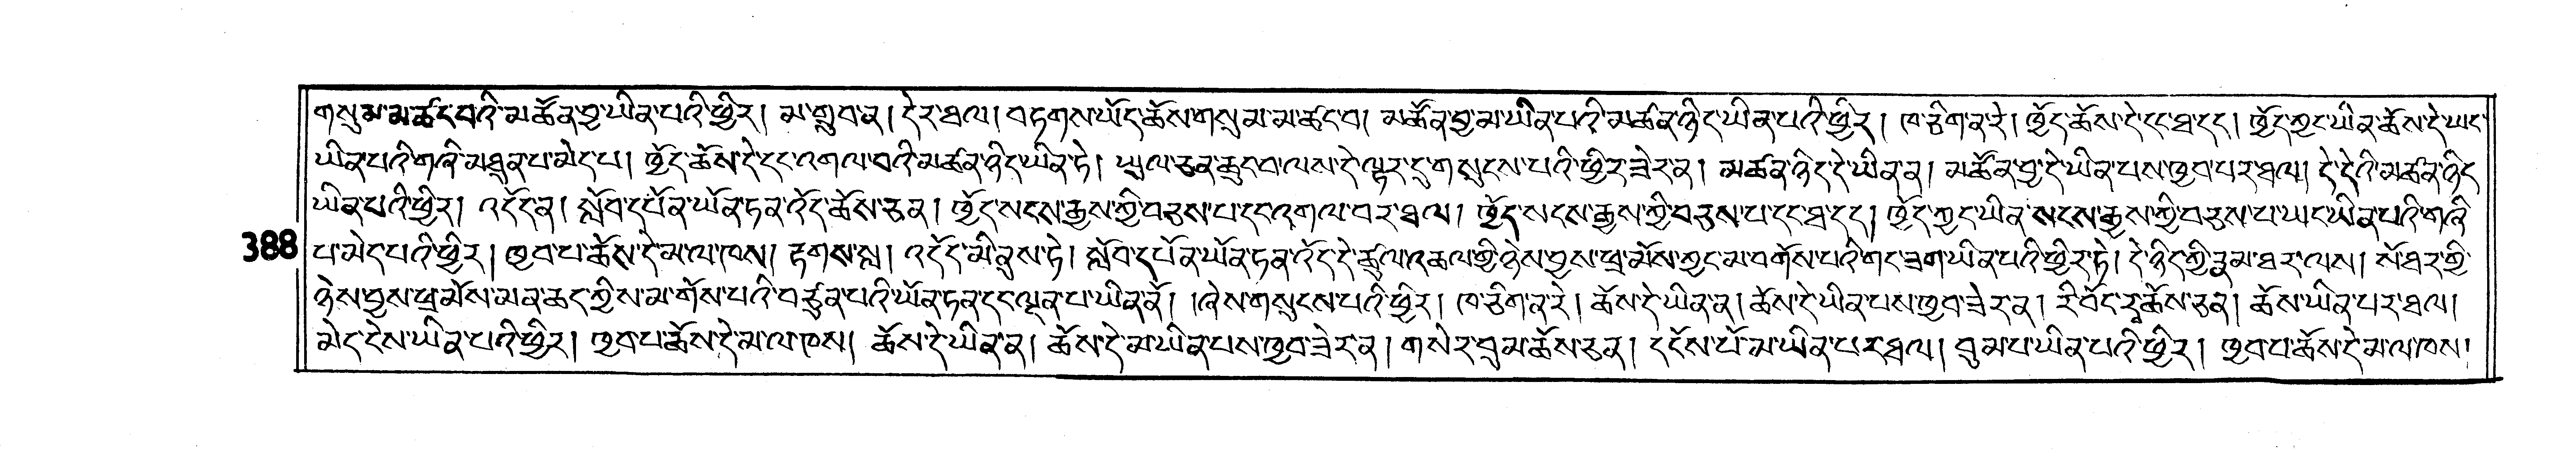གསུམ་མ་ཚང་བའི་མཚོན་བྱ་ཡིན་པའི་ཕྱིར། མ་གྲུབ་ན། དེར་ཐལ། བཏགས་ཡོད་ཆོས་གསུམ་མ་ཚང་བ། མཚོན་བྱ་མ་ཡིན་པའི་མཚན་ཉིད་ཡིན་པའི་ཕྱིར། ཁ་ཅིག་ན་རེ། ཁྱོད་ཆོས་དེ་དང་ཐ་དང་། ཁྱོད་ཀྱང་ཡིན་ཆོས་དེ་ཡང་
ཡིན་པའི་གཞི་མཐུན་པ་མེད་པ། ཁྱོད་ཆོས་དེ་དང་འགླ་བཱཨི་མཚན་ཉིད་ཡིན་ཏེ། ཡུལ་ཅན་ཆུང་བ་ལསྡེ་ལྟར་དུ་གསུངས་པའི་ཕྱིར་ཟེར་ན། མཚན་ཉིད་དེ་ཡིན་ན། མཚོན་བྱ་དེ་ཡིན་པས་ཁྱབ་པར་ཐལ། དེ་དེའི་མཚན་ཉིད་
ཡིན་པའི་ཕྱིར། འདོད་ན། སློབ་དཔོན་ཡོན་ཏན་འོད་ཆོས་ཅན། ཁྱོད་སངས་རྒྱས་ཀྱི་བཅས་པ་དང་འགལ་བར་ཐལ། ཁྱོད་སངས་རྒྱས་ཀྱི་བཅས་པ་དང་ཐ་དད། ཁྱོད་ཀྱི་ཡིན་སངས་རྒྱྶ་ཀྱི་བཅས་པ་ཡང་ཡིན་པའི་གཞི་
པ་མེད་པའི་ཕྱིར། ཁྱབ་པ་ཆོས་དེ་མ་ལ་ཁས། རྟགས་སླ། འདོད་མི་ནུས་ཏེ། སློབ་དཔོན་ཡོན་ཏན་འོད་དེ་ཚུལ་འཆལ་གྱི་ཉེས་བྱས་ཕྲ་མོས་ཀྱང་མ་སོགས་པའི་གང་ཟག་ཡིན་པའི་ཕྱིར་ཏེ། དེ་ཉིད་ཀྱི་རྣམ་ཐར་ལས། སོ་ཐར་གྱི་
ཉེས་བྱས་ཕྲ་མོས་མན་ཆད་ཀྱི་ས་མ་གོས་པའི་བཙུན་པའི་ཡོན་ཏན་དང་ལྡན་པ་ཡིན་ནོ། །ཞེས་གསུངས་པའི་ཕྱིར། ཁ་ཅིག་ན་རེ། ཆོས་དེ་ཡིན་ན། ཆོས་དེ་ཡིན་པས་ཁྱབ་ཟེར་ན། རི་བོང་རྭ་ཆོས་ཅན། ཆོས་ཡིན་པར་ཐལ།
མེད་ངེས་ཡིན་པའི་ཕྱིར། ཁྱབ་པ་ཆོས་དེ་མ་ལ་ཁས། ཆོས་དེ་ཡིན་ན། ཆོས་དེ་མ་ཡིན་པས་ཁྱབ་ཟེར་ན། གསེར་བུམ་ཆོས་ཅན། དངོས་པོ་མ་ཡིན་པར་ཐལ། བུམ་པ་ཡིན་པའི་ཕྱིར། ཁྱབ་པ་ཆོས་དེ་མ་ལ་ཁས།